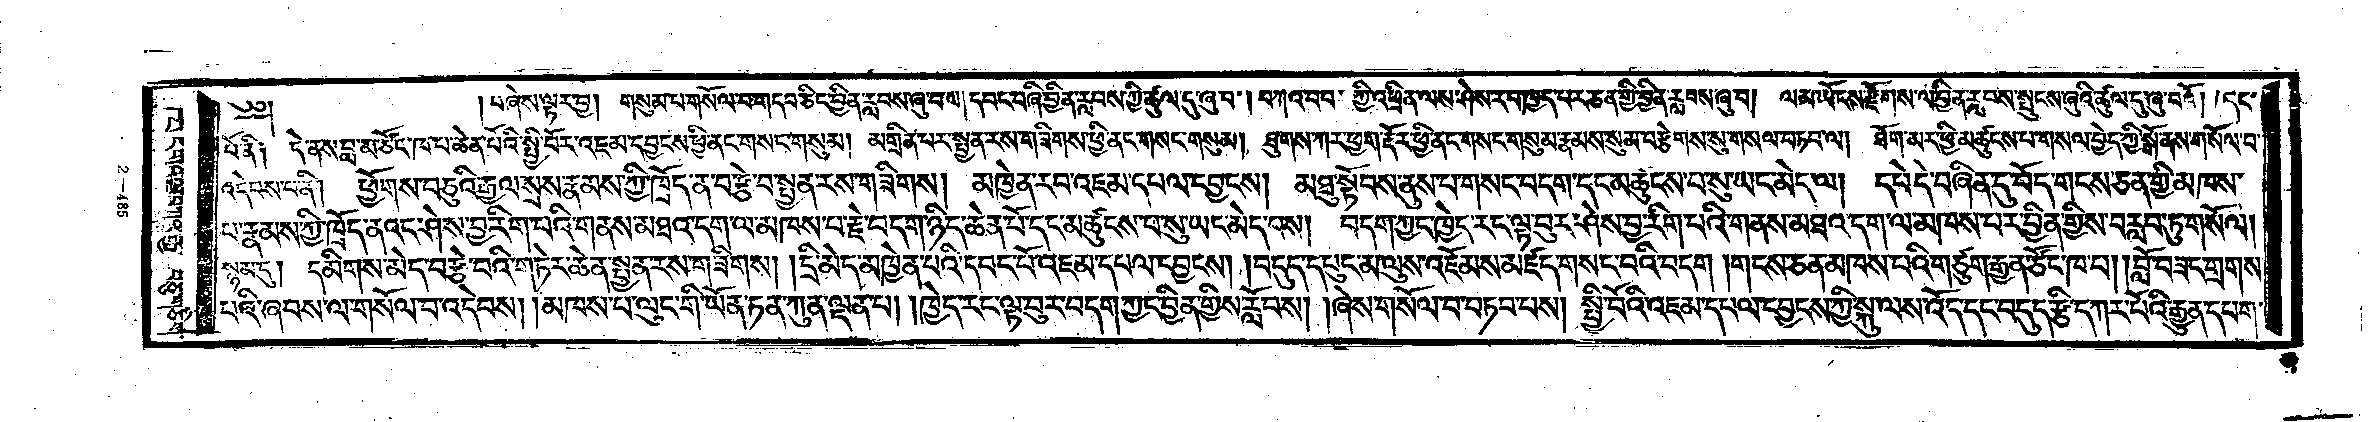༄༅། །བཞེས་ལྟར་བྱ། །གསུམ་པ་གསོལ་བ་གདབ་ཅིང་བྱིན་རླབས་ཞུ་བ་ལ། དབང་བཞི་བྱིན་རླབས་ཀྱི་ཚུལ་དུ་ཞུ་བ། བཀའ་བབས་ཀྱི་འཕྲིན་ལས་ཤེས་རབ་ཁྱད་པར་ཅན་གྱི་བྱིན་རླབས་ཞུ་བ། ལམ་ཡོངས་རྫོགས་ལ་བྱིན་རླབས་སྤུངས་ཞུའི་ཚུལ་དུ་ཞུ་བའོ། །དང་
པོ་ནི། དེ་ནས་བླ་མ་ཙོང་ཁ་པ་ཆེན་པོའི་སྤྱི་བོར་འཇམ་དབྱངས་ཕྱི་ནང་གསང་གསུམ། མགྲིན་པར་སྤྱན་རས་གཟིགས་ཕྱི་ནང་གསང་གསུམ། ཐུགས་ཀར་ཕྱག་རྡོར་ཕྱི་ནང་གསང་གསུམ་རྣམས་ཕུམ་བརྩེགས་སུ་གསལ་བཏབ་ལ། །ཐོག་མར་ཕྱི་མཚུངས་པ་གསལ་བྱེད་ཀྱི་སྒོ་ནས་གསོལ་བ་
འདེབས་པ་ནི། ཕྱོགས་བཅུའི་རྒྱལ་སྲས་རྣམས་ཀྱི་ཁྲིད་ན་བརྩེ་བ་སྤྱན་རས་གཟིགས། །མཁྱེན་རབ་འཇམ་དཔལ་དབྱངས། མཐུ་སྟོབས་ནུས་པ་གསང་བདག་དང་མཚུངས་པ་སུ་ཡང་མེད་ལ། །དཔེ་དེ་བཞིན་དུ་བོད་གངས་ཅན་གྱི་མཁས་
པ་རྣམས་ཀྱི་ཁྲོད་ནའང་ཤེས་བྱ་རིག་པའི་གནས་མཐའ་དག་ལ་མཁས་པ་རྗེ་བདག་ཉིད་ཆེན་པོ་དང་མཚུངས་པ་སུ་ཡང་མེད་པས། བདག་ཀྱང་ཁྱེད་རང་ལྟ་བུར་ཤེས་བྱ་རིག་པའི་གནས་མཐའ་དག་ལ་མཁས་པར་བྱིན་གྱིས་བརླབ་ཏུ་གསོལ།
སྙམ་དུ། དམིགས་མེད་བརྩེ་བའི་གཏེར་ཆེན་སྤྱན་རས་གཟིགས། །དྲི་མེད་མཁྱེན་པའི་དབང་པོ་འཇམ་དཔལ་དབྱངས། །བདུད་དཔུང་མ་ལུས་འཇོམས་མཛད་གསང་བའི་བདག །གངས་ཅན་མཁས་པའི་གཙུག་རྒྱན་ཙོང་ཁ་པ། །བློ་བཟང་གྲགས་
བའི་ཞབས་ལ་གསོལ་བ་འདེབས། །མཁས་པ་ལུང་གི་ཡོན་ཏན་ཀུན་ལྡན་པ། །ཁྱེད་རང་ལྟ་བུར་བདག་ཀྱང་བྱིན་གྱིས་རློབས། །ཞེས་གསོལ་བ་བཏབ་པས། །སྤྱི་བོའི་འཇམ་དཔལ་དབྱངས་ཀྱི་སྐུ་ལས་འོད་དང་བདུད་རྩི་དཀར་པོའི་རྒྱུན་དཔག་